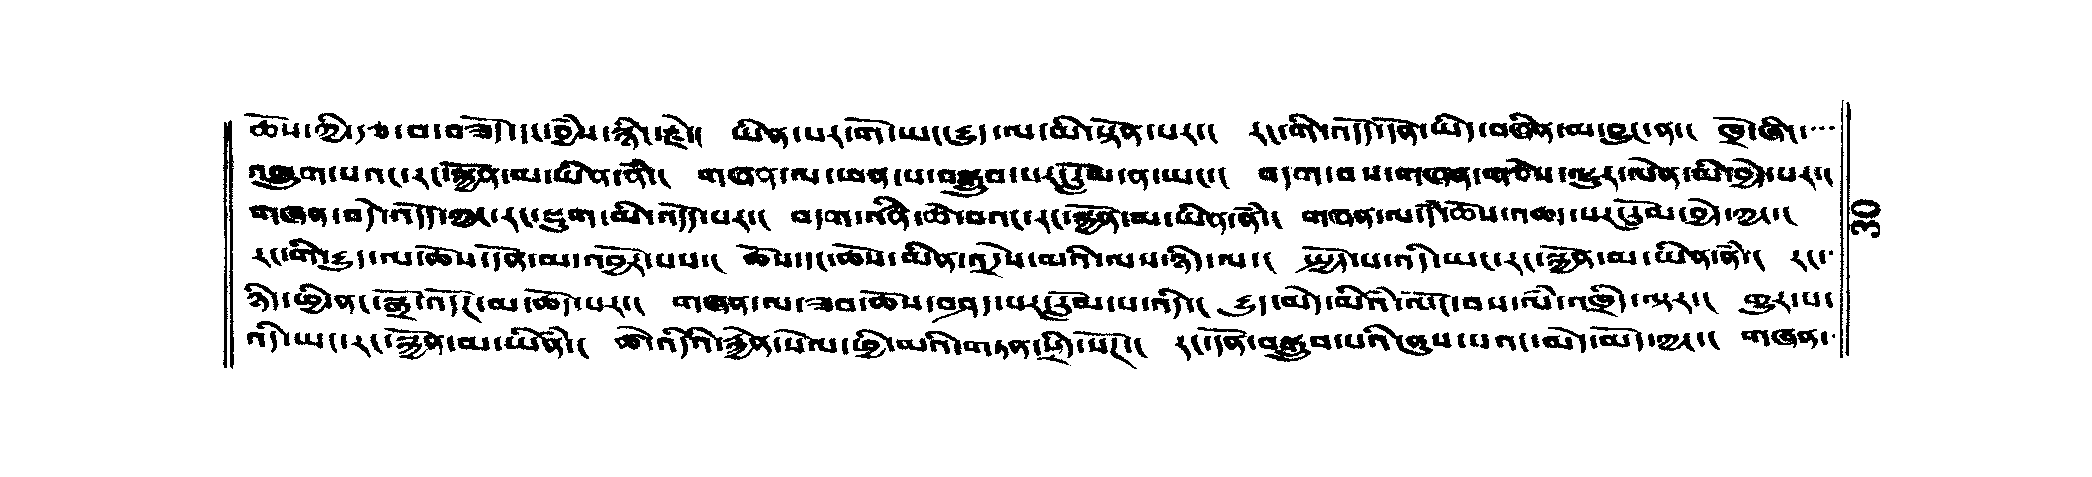།ཆོས་ཀྱི་རྩ་བ་བཟོད་དང་བྱམས་སྙིང་རྗེ། །ཡིན་པར་གོ་ཡང་རྒྱུད་ལ་མི་སྟོན་པར། །རང་གི་འདོད་དོན་ཡིད་བཞིན་མ་བྱུང་ན། །ཁྲོ་ཞིང་
འཁྲུག་པའང་རང་སྐྱོན་མ་ཡིན་ནམ། །གཞན་ལ་ཕན་པ་བསྒྲུབ་པར་རློམ་ན་ཡང་། །བདག་པས་གཞན་གཅེས་ལྷུར་ལེན་མི་བྱེད་པར། །
གཞན་བདེ་འདོད་ཀྱང་རང་སྡུག་མི་འདོད་པར། །བདག་འཛིན་ཆེ་བའང་རང་སྐྱོན་མ་ཡིན་ནམ། །གཞན་ལ་དམ་ཆོས་འཆད་པར་རློམ་བྱེད་ཀྱང་། །
རང་གི་རྒྱུད་ལ་ཆོས་དོན་མ་འབྱོར་བས། །ཆོས་དང་ཆོས་མིན་འདྲེས་མའི་ལས་ཉིད་ལ། །སྤྱོད་པ་འདི་ཡང་རང་སྐྱོན་མ་ཡིན་ནམ། །རང་
ཉིད་ཕྱི་ནང་སྒྲོ་འདོགས་མ་ཆོད་པར། །གཞན་ལ་ཟབ་ཆོས་བཤད་པར་རློམ་པ་འདི། །རྒྱུས་མེད་མིའམ་ལོང་བས་ལམ་ཁྲིད་ལྟར། །གྱུར་པ་
འདི་ཡང་རང་སྐྱོན་མ་ཡིན་ནམ། །ཚེ་འདིའི་རྐྱེན་སེལ་ཕྱི་མའི་གཏན་སྲིད་སོགས། །རང་དོན་བསྒྲུབ་པའི་ནུས་པའང་མེད་མོད་ཀྱང་། །གཞན་